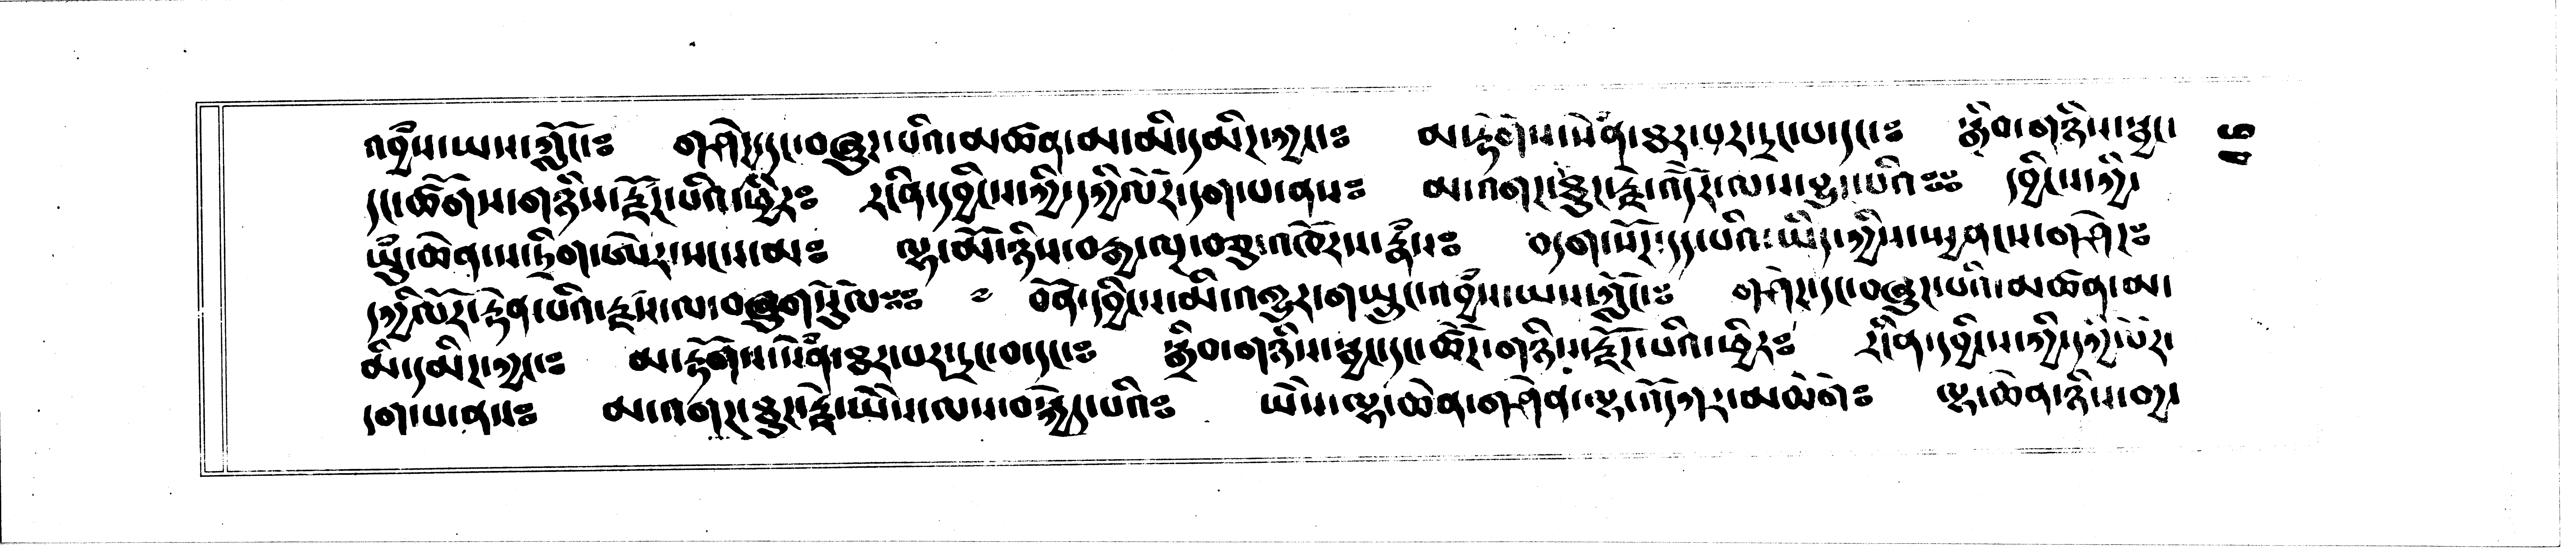འབྱམས་ཡས་ཀློངཿ གཤེགས་དང་བཞུགས་པའི་མཚན་མ་མི་དམིགས་ཀྱངཿ མ་རྟོགས་སེམས་ཅན་ཐར་པར་དྲངས་པ་དངཿ སྒྲིབ་གཉིས་སྦྱང་
དང་ཚོགས་གཉིས་རྫོགས་པའི་ཕྱིརཿ རང་བཞིན་དབྱིངས་ཀྱི་དཀྱིལ་འཁོར་དག་པ་ནསཿ མ་འགག་ཐུགས་རྗེ་འོད་ཟེར་ལས་བྱུང་པའིཿ དབྱིངས་ཀྱི་
ཡུམ་ཆེན་ས་ཏྲིག་ཨེར་སངས་མཿ ལྷ་མོ་ཉིས་བརྒྱ་ལྔ་བཅུ་འཁོར་བཅས་རྣམསཿ བདག་སོགས་དད་པའི་ཡིད་ཀྱིས་སྤྱན་དྲངས་གཤེགསཿ 
དཀྱིལ་འཁོར་རྟེན་པའི་རྫས་ལ་བཞུགས་སུ་གསོལཿ བོན་དབྱིངས་མི་འགྱུར་གཡུང་དྲུང་འབྱམས་ཡས་ཀློངཿ གཤེགས་དང་བཞུགས་པའི་མཚན་མ་
མི་དམིགས་ཀྱངཿ མ་རྟོགས་སེམས་ཅན་ཐར་པར་དྲངས་པ་དངཿ སྒྲིབ་གཉིས་སྦྱང་དང་ཚོགས་གཉིས་རྫོགས་པའི་ཕྱིརཿ རང་བཞིན་དབྱིངས་ཀྱི་དཀྱིལ་འཁོར་
དག་པ་ནསཿ མ་འགག་ཐུགས་རྗེ་ཡེ་ཤེས་ལས་བསྐྱེད་པའིཿ ཡེ་ཤེས་ལྷ་ཆེན་གཤེན་ལྷ་འོད་དཀར་མཆོགཿ ལྷ་ཆེན་ཉིས་བརྒྱ་